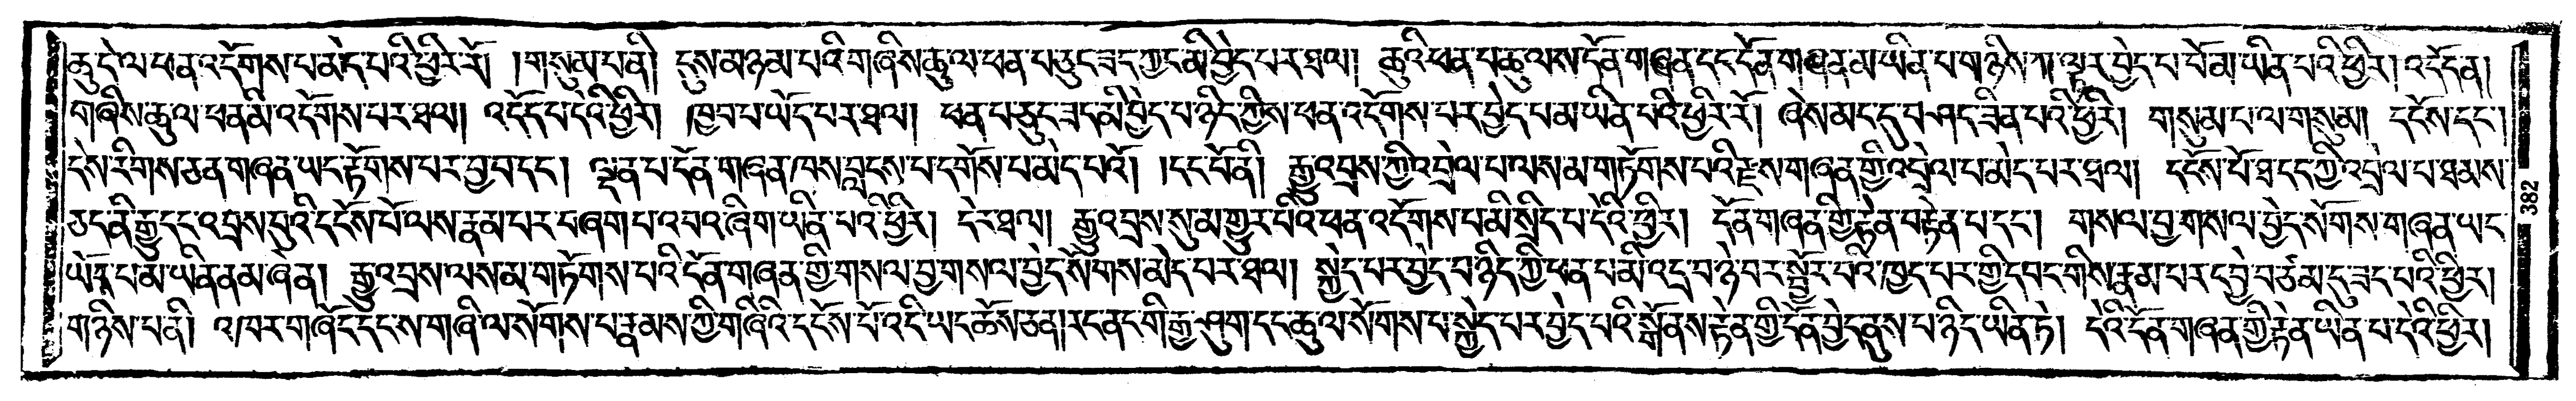ཆུ་དེ་ལ་ཕན་འདོགས་པ་མེད་པའི་ཕྱིར་རོ། །གསུམ་པ་ནི། དུས་མཉམ་པའི་གཞིས་ཆུ་ལ་ཕན་པ་ཅུང་ཟད་ཀྱང་མི་བྱེད་པར་ཐལ། ཆུའི་ཕན་པ་ཆུ་ལས་དོན་གཞན་དང་དོན་གཞན་མ་ཡིན་པ་གཉིས་ཀ་ལྟར་བྱེད་པ་པོ་མ་ཡིན་པའི་ཕྱིར། འདོད་ན།
གཞིས་ཆུ་ལ་ཕན་མི་འདོགས་པར་ཐལ། འདོད་པ་དེའི་ཕྱིར། ཁྱབ་པ་ཡོད་པར་ཐལ། ཕན་པ་ཅུང་ཟད་མི་བྱེད་པ་ཉིད་ཀྱིས་ཕན་འདོགས་པར་བྱེད་པ་མ་ཡིན་པའི་ཕྱིར་རོ། །ཞེས་མང་དུ་བཤད་ཟིན་པའི་ཕྱིར། གསུམ་པ་ལ་གསུམ། དངོས་དང་།
དེས་རིགས་ཅན་གཞན་ཡང་རྟོགས་པར་བྱ་བ་དང་། ལྡན་པ་དོན་གཞན་ཁས་བླངས་པ་དགོས་པ་མེད་པའོ། །དང་པོ་ནི། རྒྱུ་འབྲས་ཀྱི་འབྲེལ་པ་ལས་མ་གཏོགས་པའི་རྫས་གཞན་གྱི་འབྲེལ་པ་མེད་པར་ཐལ། དངོས་པོ་ཐ་དད་ཀྱི་འབྲེལ་པ་ཐམས་
ཅད་ནི་རྒྱུ་དང་འབྲས་བུའི་དངོས་པོ་ལས་རྣམ་པར་བཞག་པ་འབའ་ཞིག་ཡིན་པའི་ཕྱིར། དེར་ཐལ། རྒྱུ་འབྲས་སུ་མ་གྱུར་པའི་ཕན་འདོགས་པ་མི་སྲིད་པ་དེའི་ཕྱིར། དོན་གཞན་གྱི་རྟེན་བརྟེན་པ་དང་། གསལ་བྱ་གསལ་བྱེད་སོགས་གཞན་ཡང་
ཡོད་པ་མ་ཡིན་ནམ་ཞེ་ན། རྒྱུ་འབྲས་ལས་མ་གཏོགས་པའི་དོན་གཞན་གྱི་གསལ་བྱ་གསལ་བྱེད་སོགས་མེད་པར་ཐལ། སྐྱེད་པར་བྱེད་པ་ཉིད་ཀྱི་ཕན་པ་མི་འདྲ་བ་ཉེ་བར་སྦྱོར་བའི་ཁྱད་པར་གྱི་དབང་གིས་རྣམ་པར་དབྱེ་བ་ཙམ་དུ་ཟད་པའི་ཕྱིར།
གཉིས་པ་ནི། འཁར་གཞོང་དང་ས་གཞི་ལ་སོགས་པ་རྣམས་ཀྱི་གཞིའི་དངོས་པོ་འདི་ཡང་ཆོས་ཅན། རང་ནང་གི་རྒྱ་ཤུག་དང་ཆུ་ལ་སོགས་པ་སྐྱེད་པར་བྱེད་པའི་སྒོ་ནས་རྟེན་གྱི་དོན་བྱེད་ནུས་པ་ཉིད་ཡིན་ཏེ། དེའི་དོན་གཞན་གྱི་རྟེན་ཡིན་པ་དེའི་ཕྱིར།